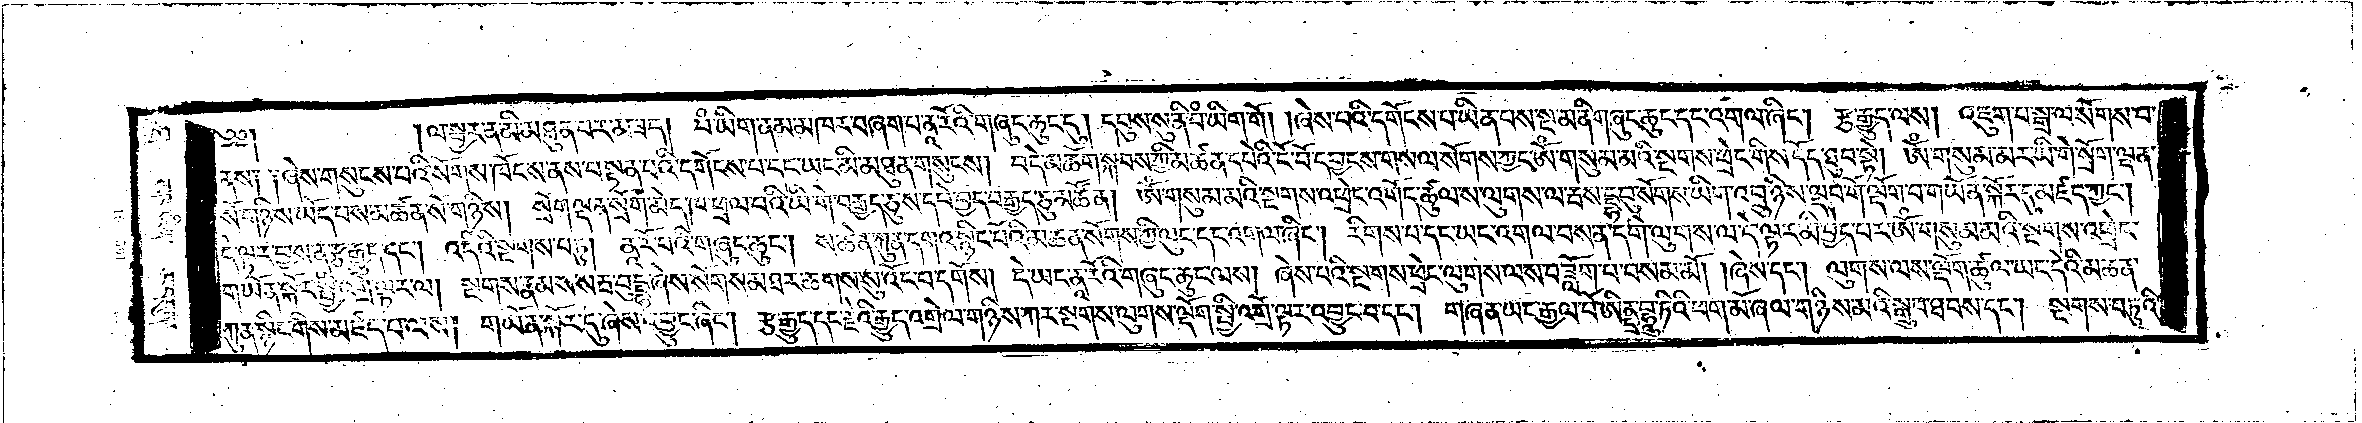༄༅། །ལ་སྦྱར་ན་མི་མཐུན་པར་མ་ཟད། བཾ་ཡིག་ནམ་མཁར་བཞག་པ་ནཱ་རོའི་གཞུང་ཆུང་དུ། དབུས་སུ་ནི་བཾ་ཡིག་གོ། །ཞེས་པའི་དགོངས་པ་ཡིན་པས་སྔ་མ་ནི་གཞུང་ཆུང་དང་འགལ་ཞིང་། རྩ་རྒྱུད་ལས། འཇུག་བསྒྲ་ལ་སོགས་པ་
ནས༑ ༑ཞེས་གསུངས་པའི་སོགས་ཁོངས་ནས་བསྟན་པའི་དགོངས་པ་དང་ཡང་མི་མཐུན་གསུངས། བདེ་མཆོག་སྐབས་ཀྱི་མཚན་དཔེའི་ངོ་བོ་དབྱངས་གསལ་སོགས་ཀྱང་ཨོཾ་གསུམ་པའི་སྔགས་ཕྲེང་གིས་དོད་ཐུབ་སྟེ། ཨོཾ་གསུམ་མར་ཡི་གེ་སྲོག་ལྡན་
སོ་གཉིས་ཡོད་པས་མཚན་སོ་གཉིས། སྲོག་ལྡན་སྲོག་མེད་ཁ་ཕྲལ་བའི་ཡི་གེ་བརྒྱད་ཅུས་དཔེ་བྱད་བརྒྱད་ཅུ་མཚོན། ཨོཾ་གསུམ་མའི་སྔགས་འཕྲེང་འགོད་ཚུལ་ས་ལུགས་ལ་རྦས་དྡྷ་བུ་སོགས་ཡིག་འབྲུ་ཉིས་ལྡབ་གོ་ལྡོག་པ་གཡོན་སྐོར་དུ་མཛད་ཀྱང་།
དེ་ལྟར་བྱས་ན་རྩ་རྒྱུད་དང་། འདིའི་སྔགས་བཏུ། ནཱ་རོ་པའི་གཞུང་ཆུང་། ས་ཆེན་ཀུན་དགའ་སྙིང་པོའི་མཚན་སོགས་ཀྱི་ལུང་དང་འགལ་ཞིང་། རིགས་པ་དང་ཡང་འགལ་བས་ན་དགེ་ལུགས་ལ་དེ་ལྟར་མི་བྱེད་པར་ཨོཾ་གསུམ་མའི་སྔགས་འཕྲེང་
གཡོན་སྐོར་སྤྱི་འགྲོ་ལྟར་ལ། སྔགས་རྣམས་སརྦ་བུདྡྷ་ཞེས་སོགས་མཐར་ཆགས་སུ་འོང་བ་དགོས། དེ་ཡང་ནཱ་རོའི་གཞུང་ཆུང་ལས། ཞེས་པའི་སྔགས་ཕྲེང་ལུགས་ལས་བཟློག་པ་བསམ་མོ། །ཞེས་དང་། ལུགས་ལས་ལྡོག་ཚུལ་ཡང་དེའི་མཚན་
ཀུན་སྙིང་གིས་མཛད་པ་ལས། གཡོན་སྐོར་དུ་ཞེས་འབྱུང་ཞིང་། རྩ་རྒྱུད་དང་རྗེའི་རྒྱུད་འགྲེལ་གཉིས་ཀར་སྔགས་ལུགས་ལྡོག་སྤྱི་འགྲོ་ལྟར་འབྱུང་བ་དང་། གཞན་ཡང་རྒྱལ་པོ་ཨིནྡྲ་བྷཱུ་ཏིའི་ཕག་མོ་ཞལ་གཉིས་མའི་སྒྲུབ་ཐབས་དང་། སྔགས་བཏུའི་